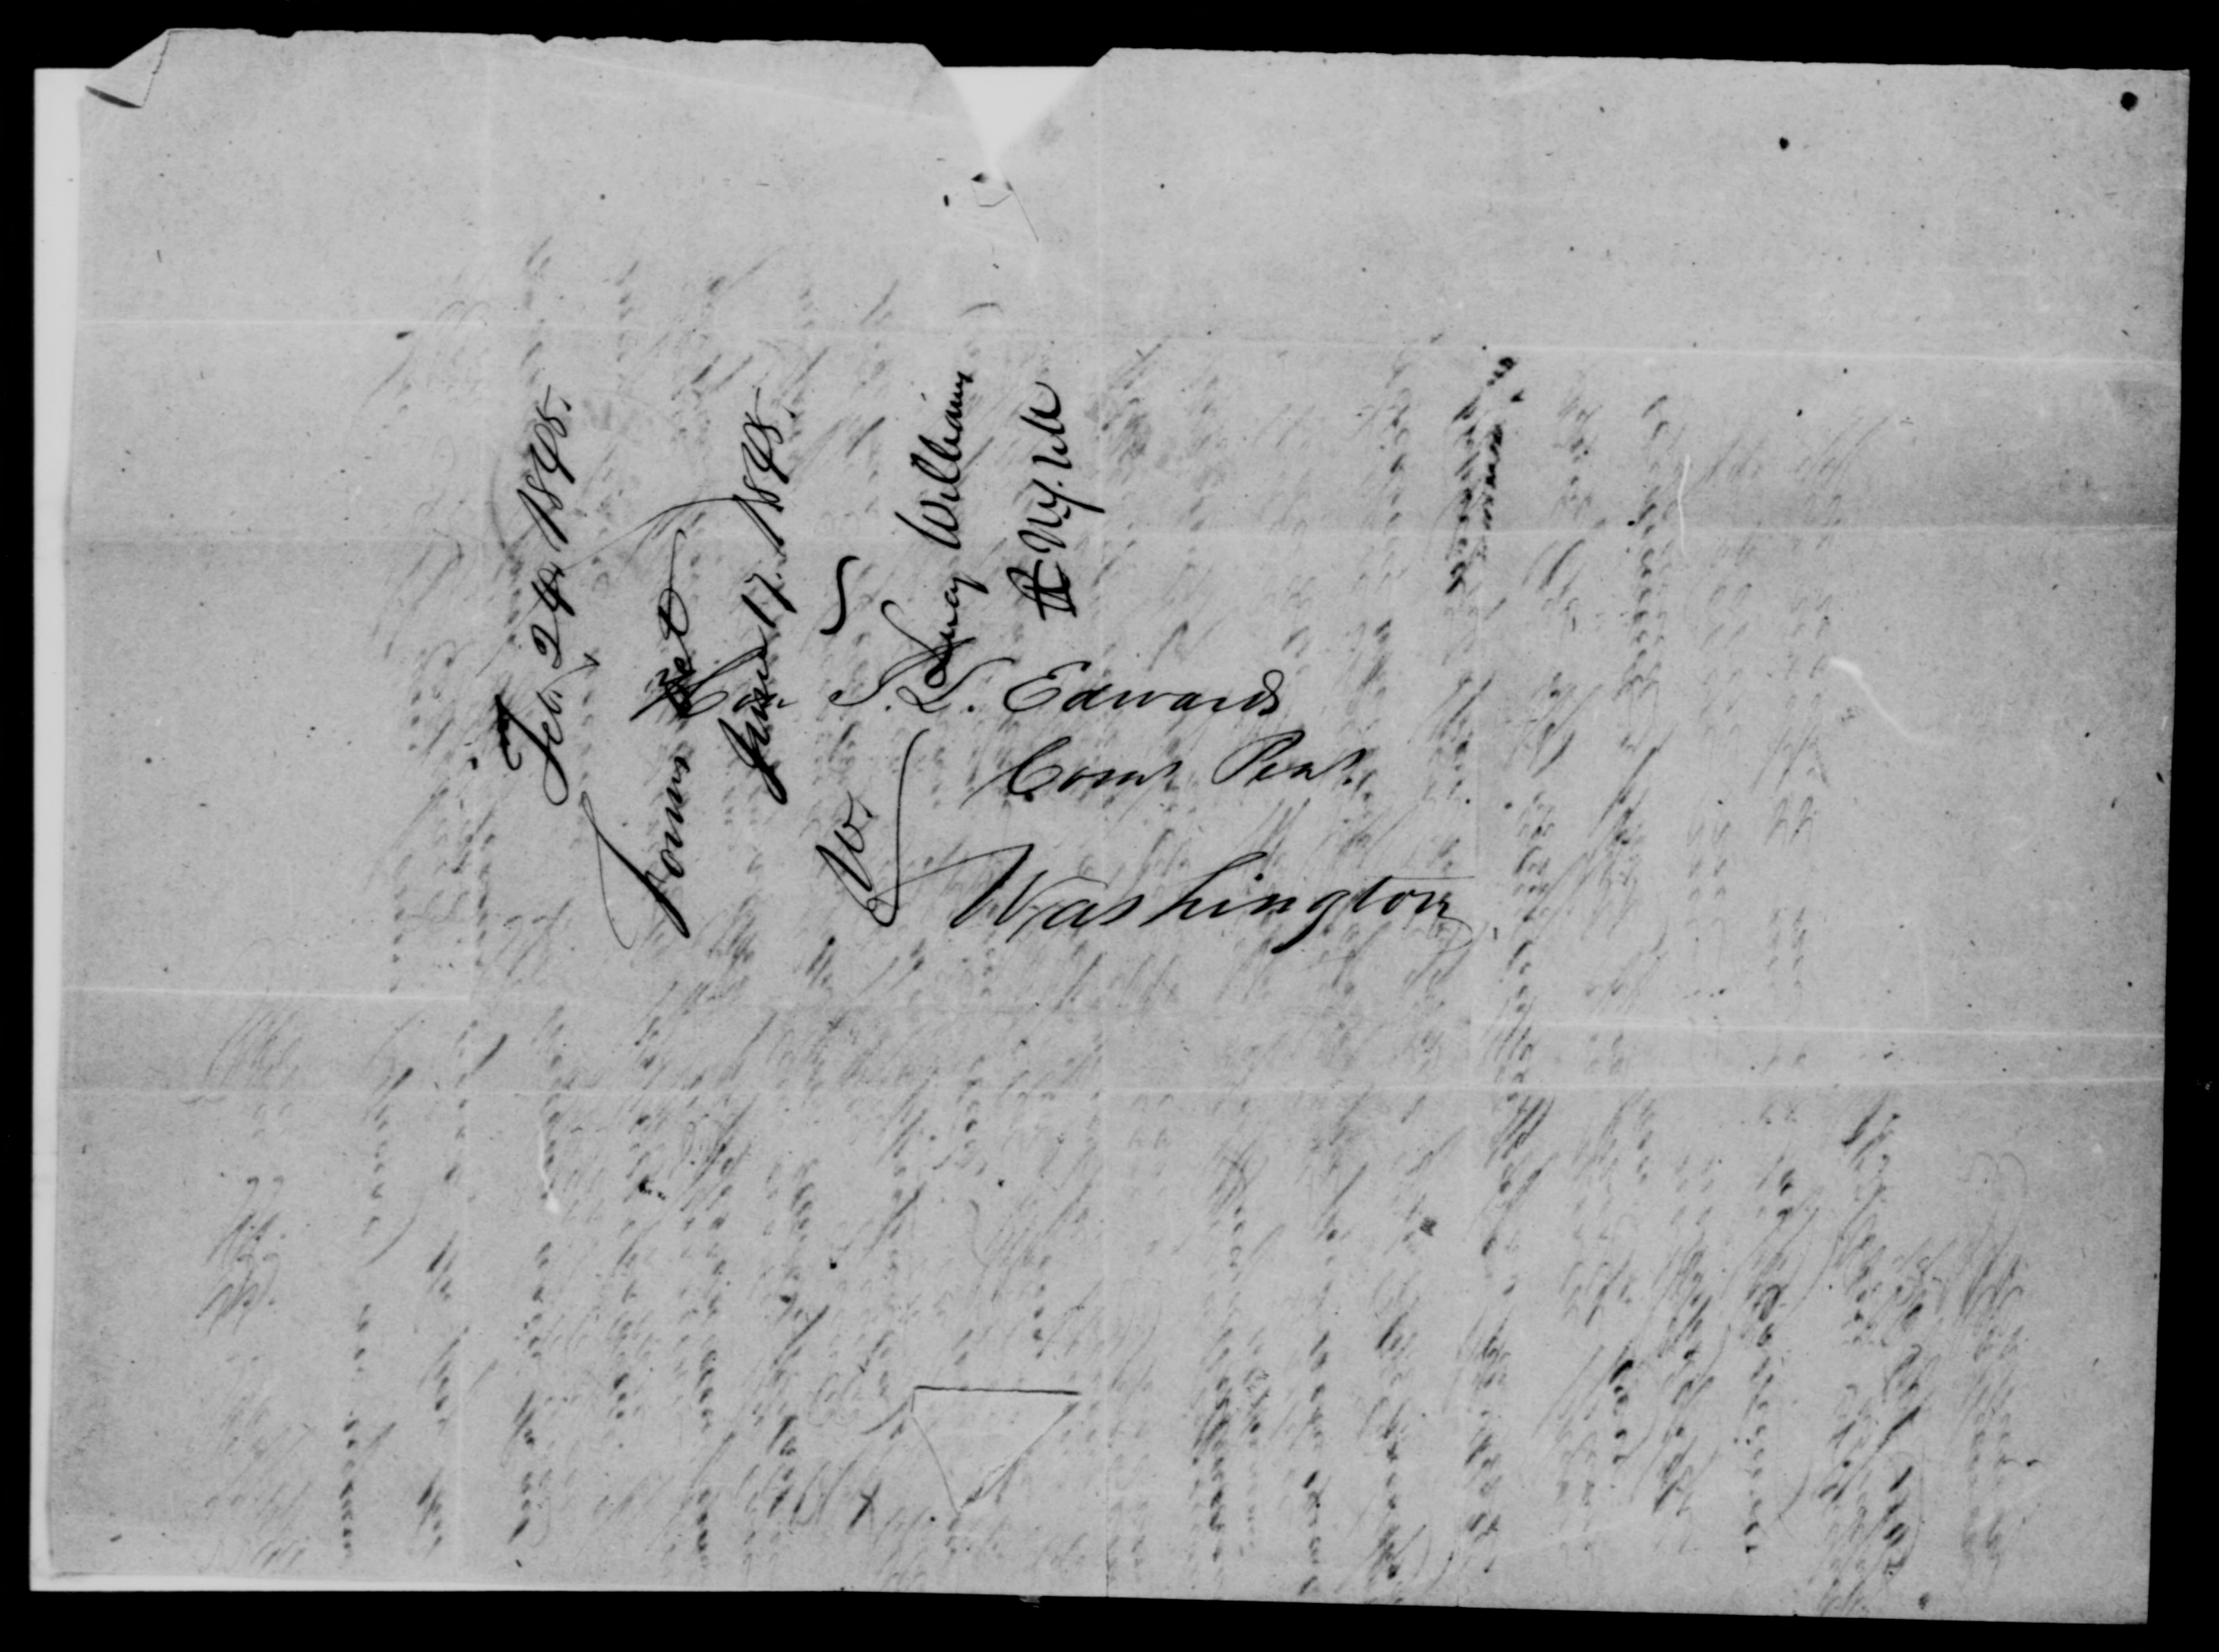Feb 24, 1845
Thomas (illegible)
June 11th 1845
Lucy Williams
R N York

J. L. Edwards
Cons. Pens
Washington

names: Lucy Williams, J L Edwards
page: 32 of 63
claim: widow's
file: W. 22,632, David Williams, Conn. Continental Privateer